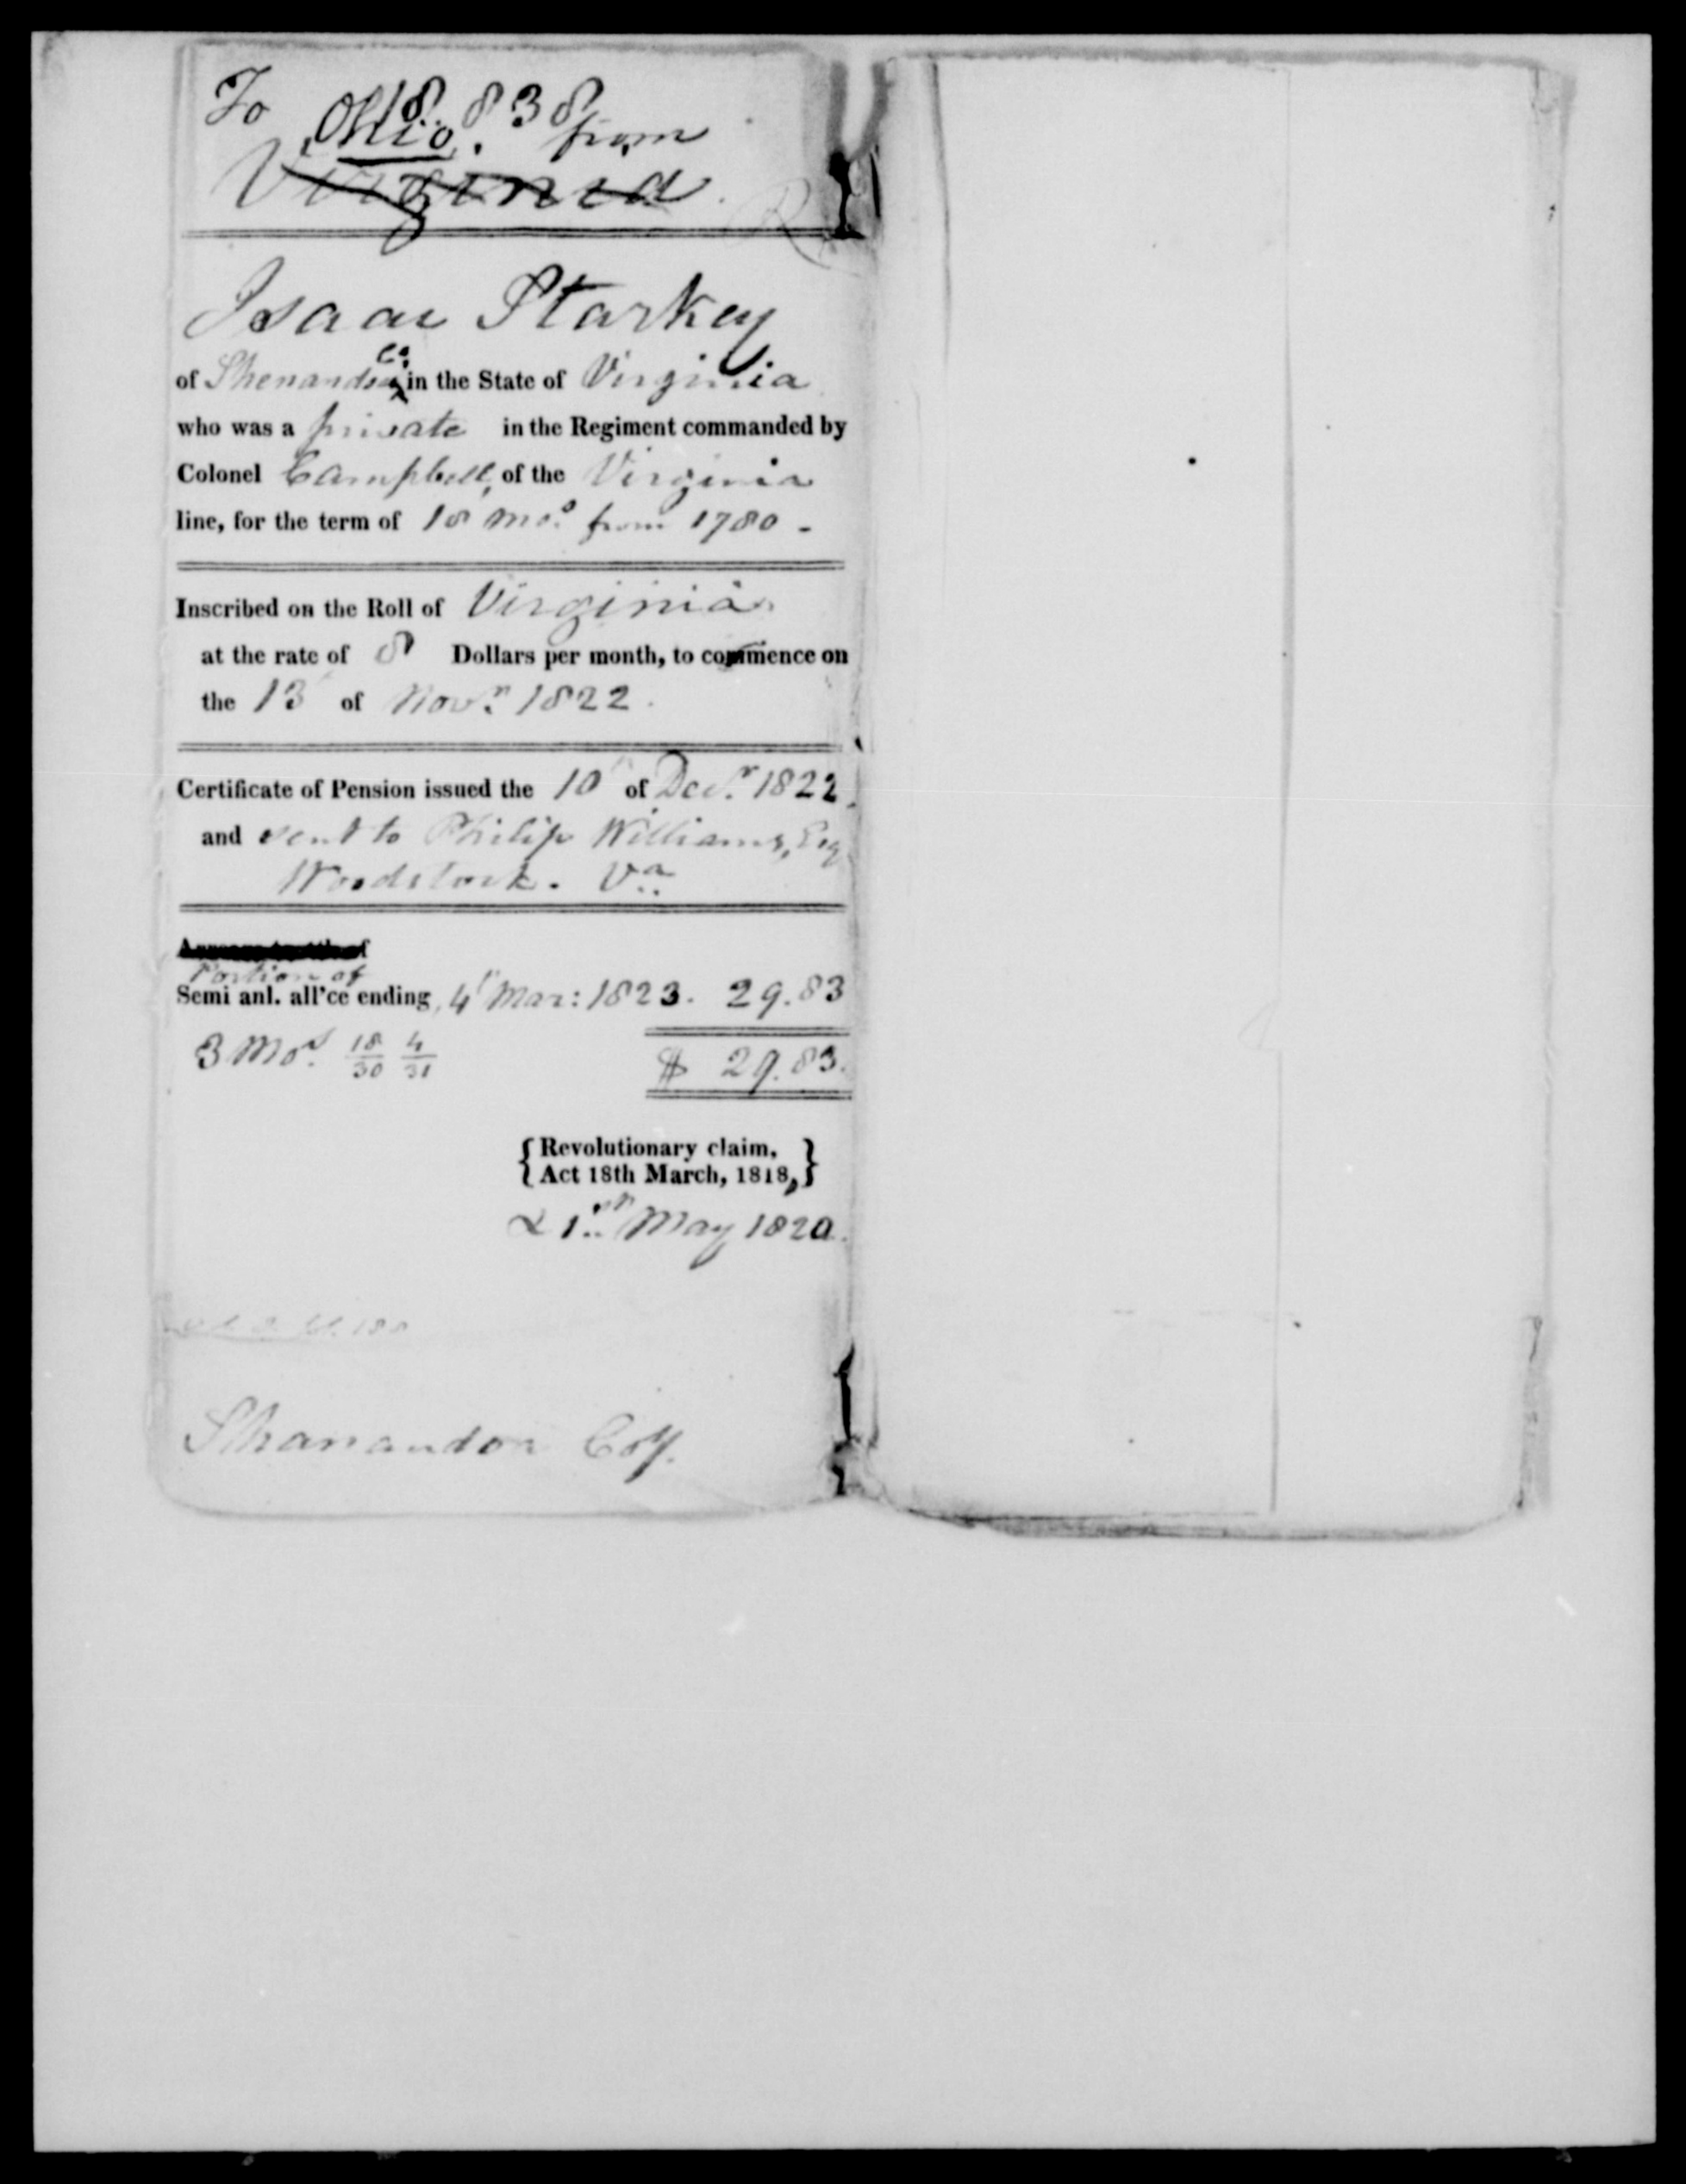To Ohio, Spam
Virginia
Isaac Starkley of Shenandoah County in the State of Virginia who was a private in the Regiment commanded by Colonel Campbell of the Virginia line for the term of 15 months from 1780
Inscribed on the Roll of Virginia at the rate of 8 dollars per month, to commence on the 13th of November 1822.
Certificate of Pension issued the 10th of December 1822 and sent to Philip Williams, Esq. Woodstock, Va.
Provision of semi-anl. all'ce ending 4 March, 1823 29.83
$29.83
{Revolutionary claim, Act 18th March, 1818} & 1st May 1820.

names: Isaac Starkey; [BLANK] Campbell; Philip Williams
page: 2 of 14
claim: survivor's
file: S 40503, for Isaac Starkey, Virginia